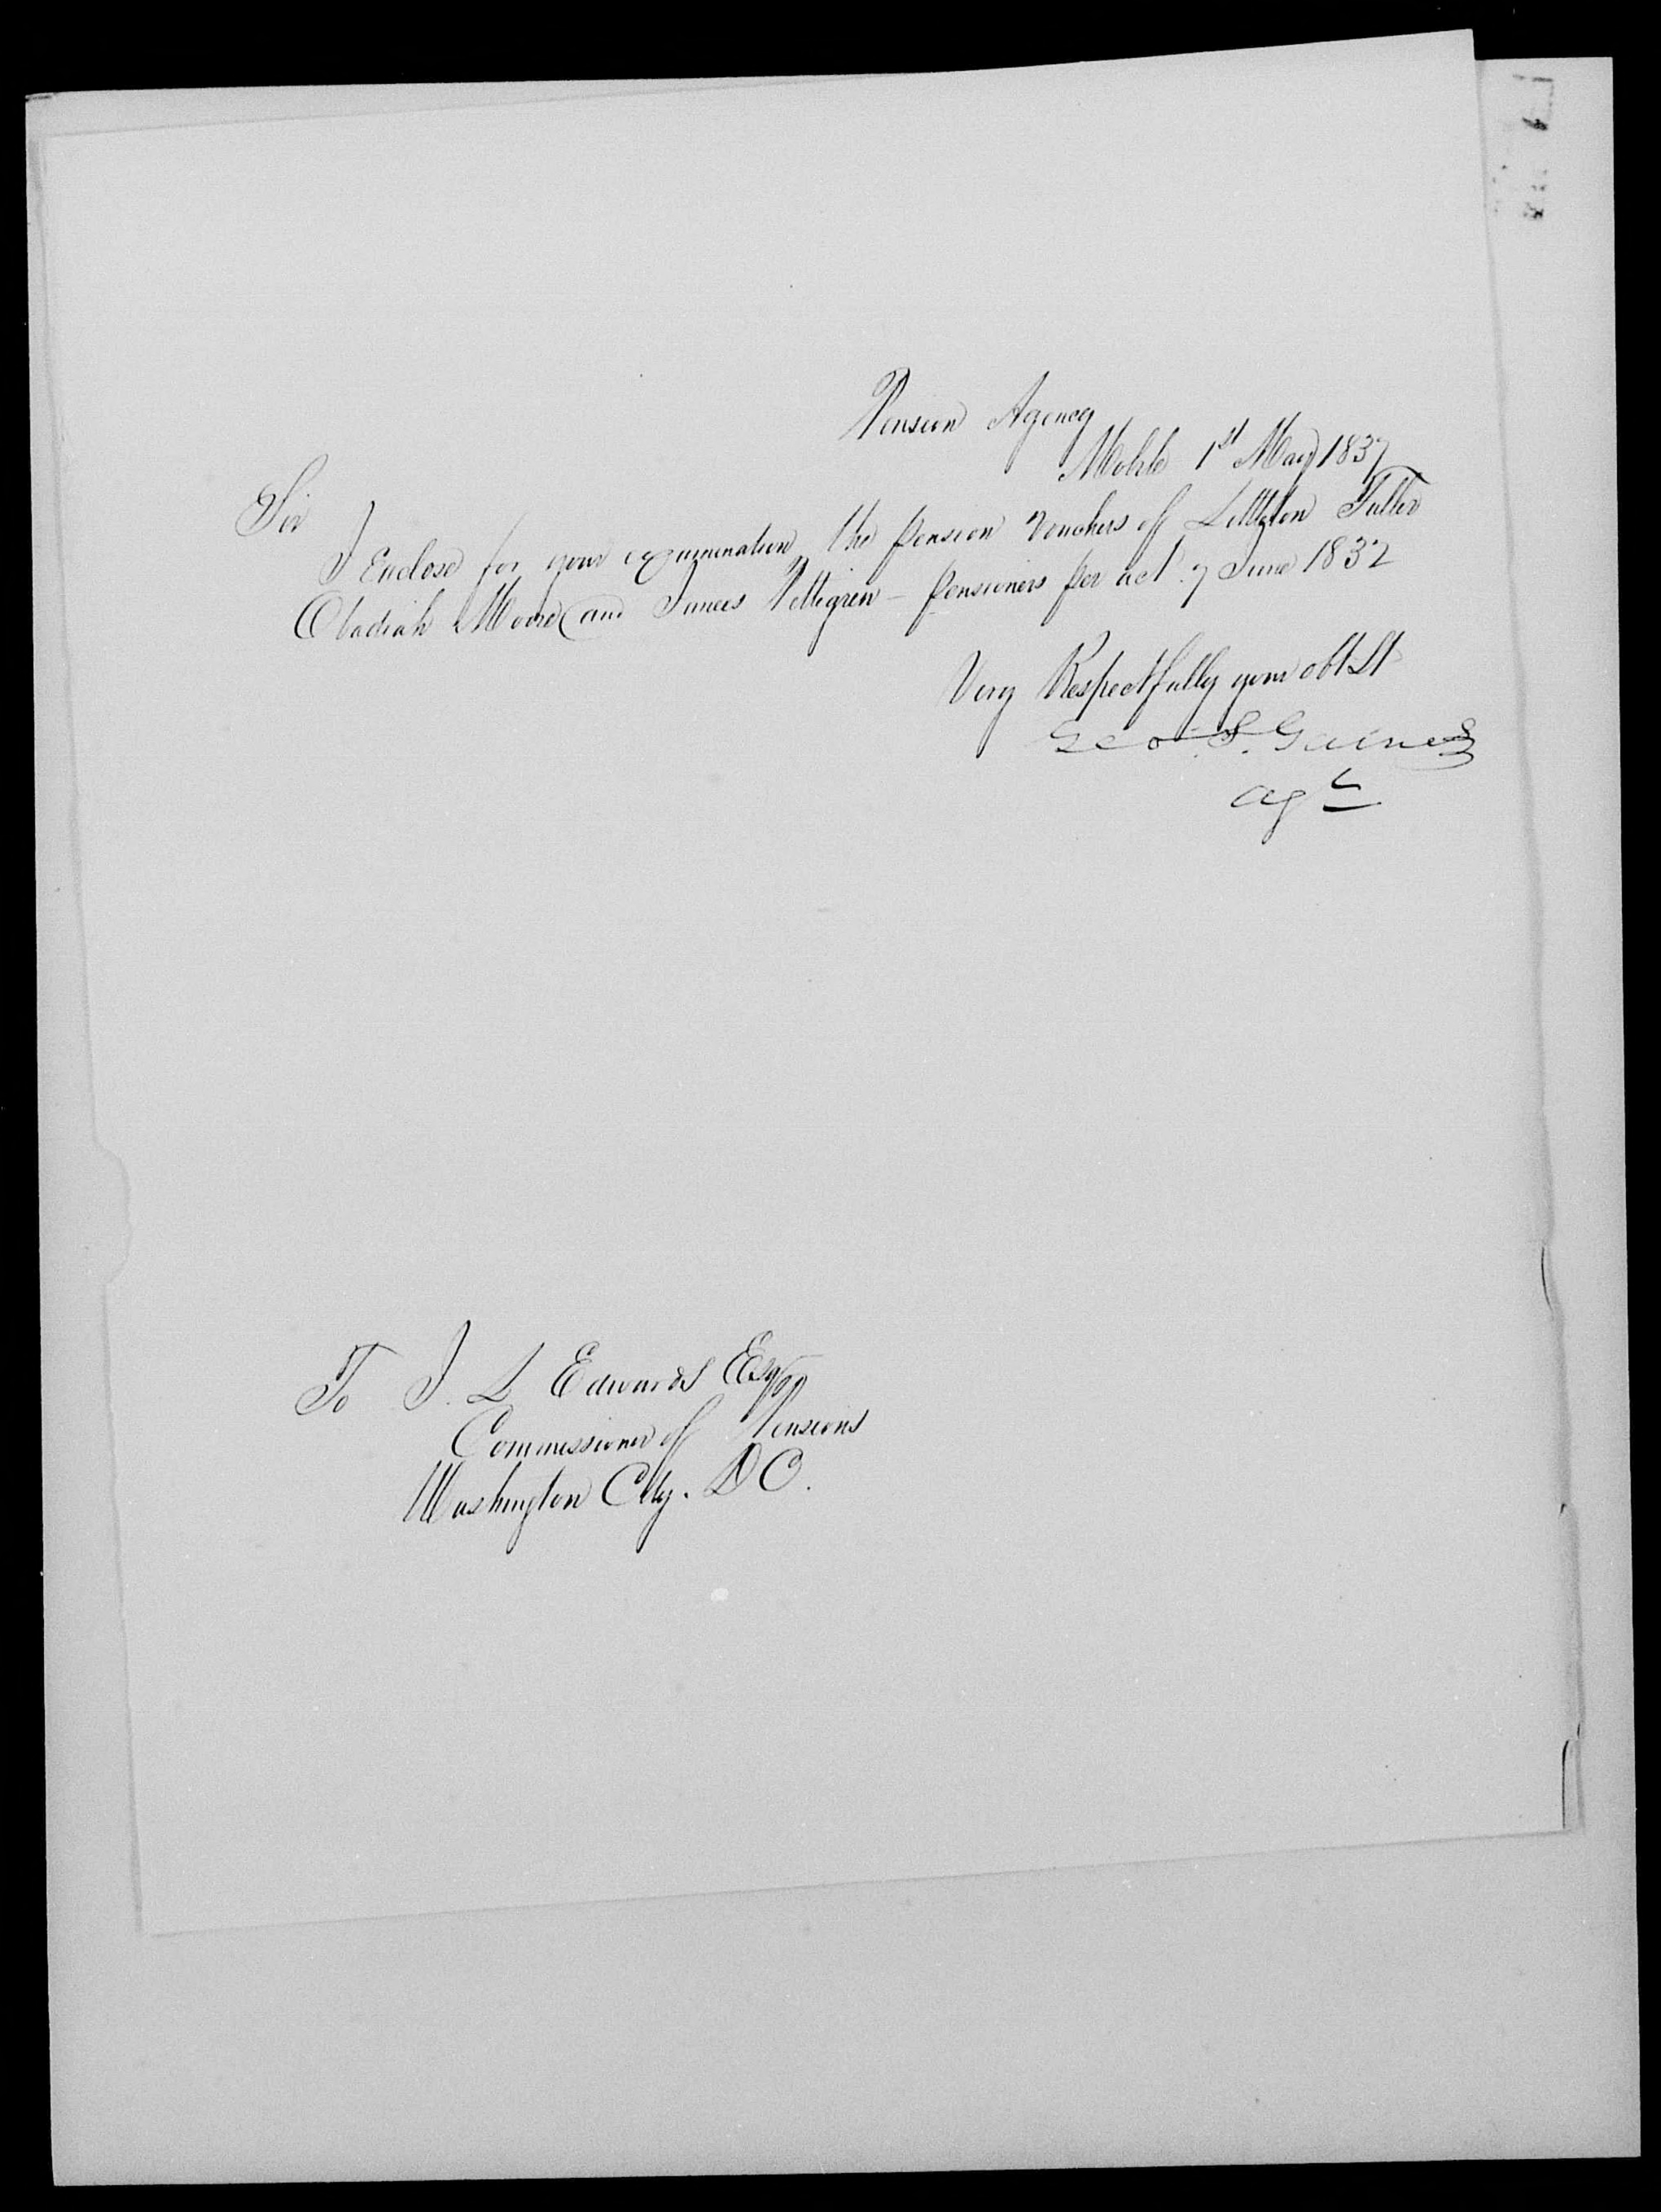Pension Agency
Mobile 1st May 1837
Sir
I enclosed for your [illegible] the pension vouchers of Littleton Fuller Obadiah Moor and James Pettigrew-pensioners per act. 7 June 1832
Very Respectfully your obt St [obedient servant]
Geo F Gaines
[illegible]

To J. L. Edwards Esq
Commissioner of Pensions
Washington City. DC.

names: J L Edwards; Geo S Gaines; Obadiah Moore; James Pettigrew; Littleton Tuller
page: 41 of 92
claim: widow's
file: W. 5522, for James Pettigrew, South Carolina